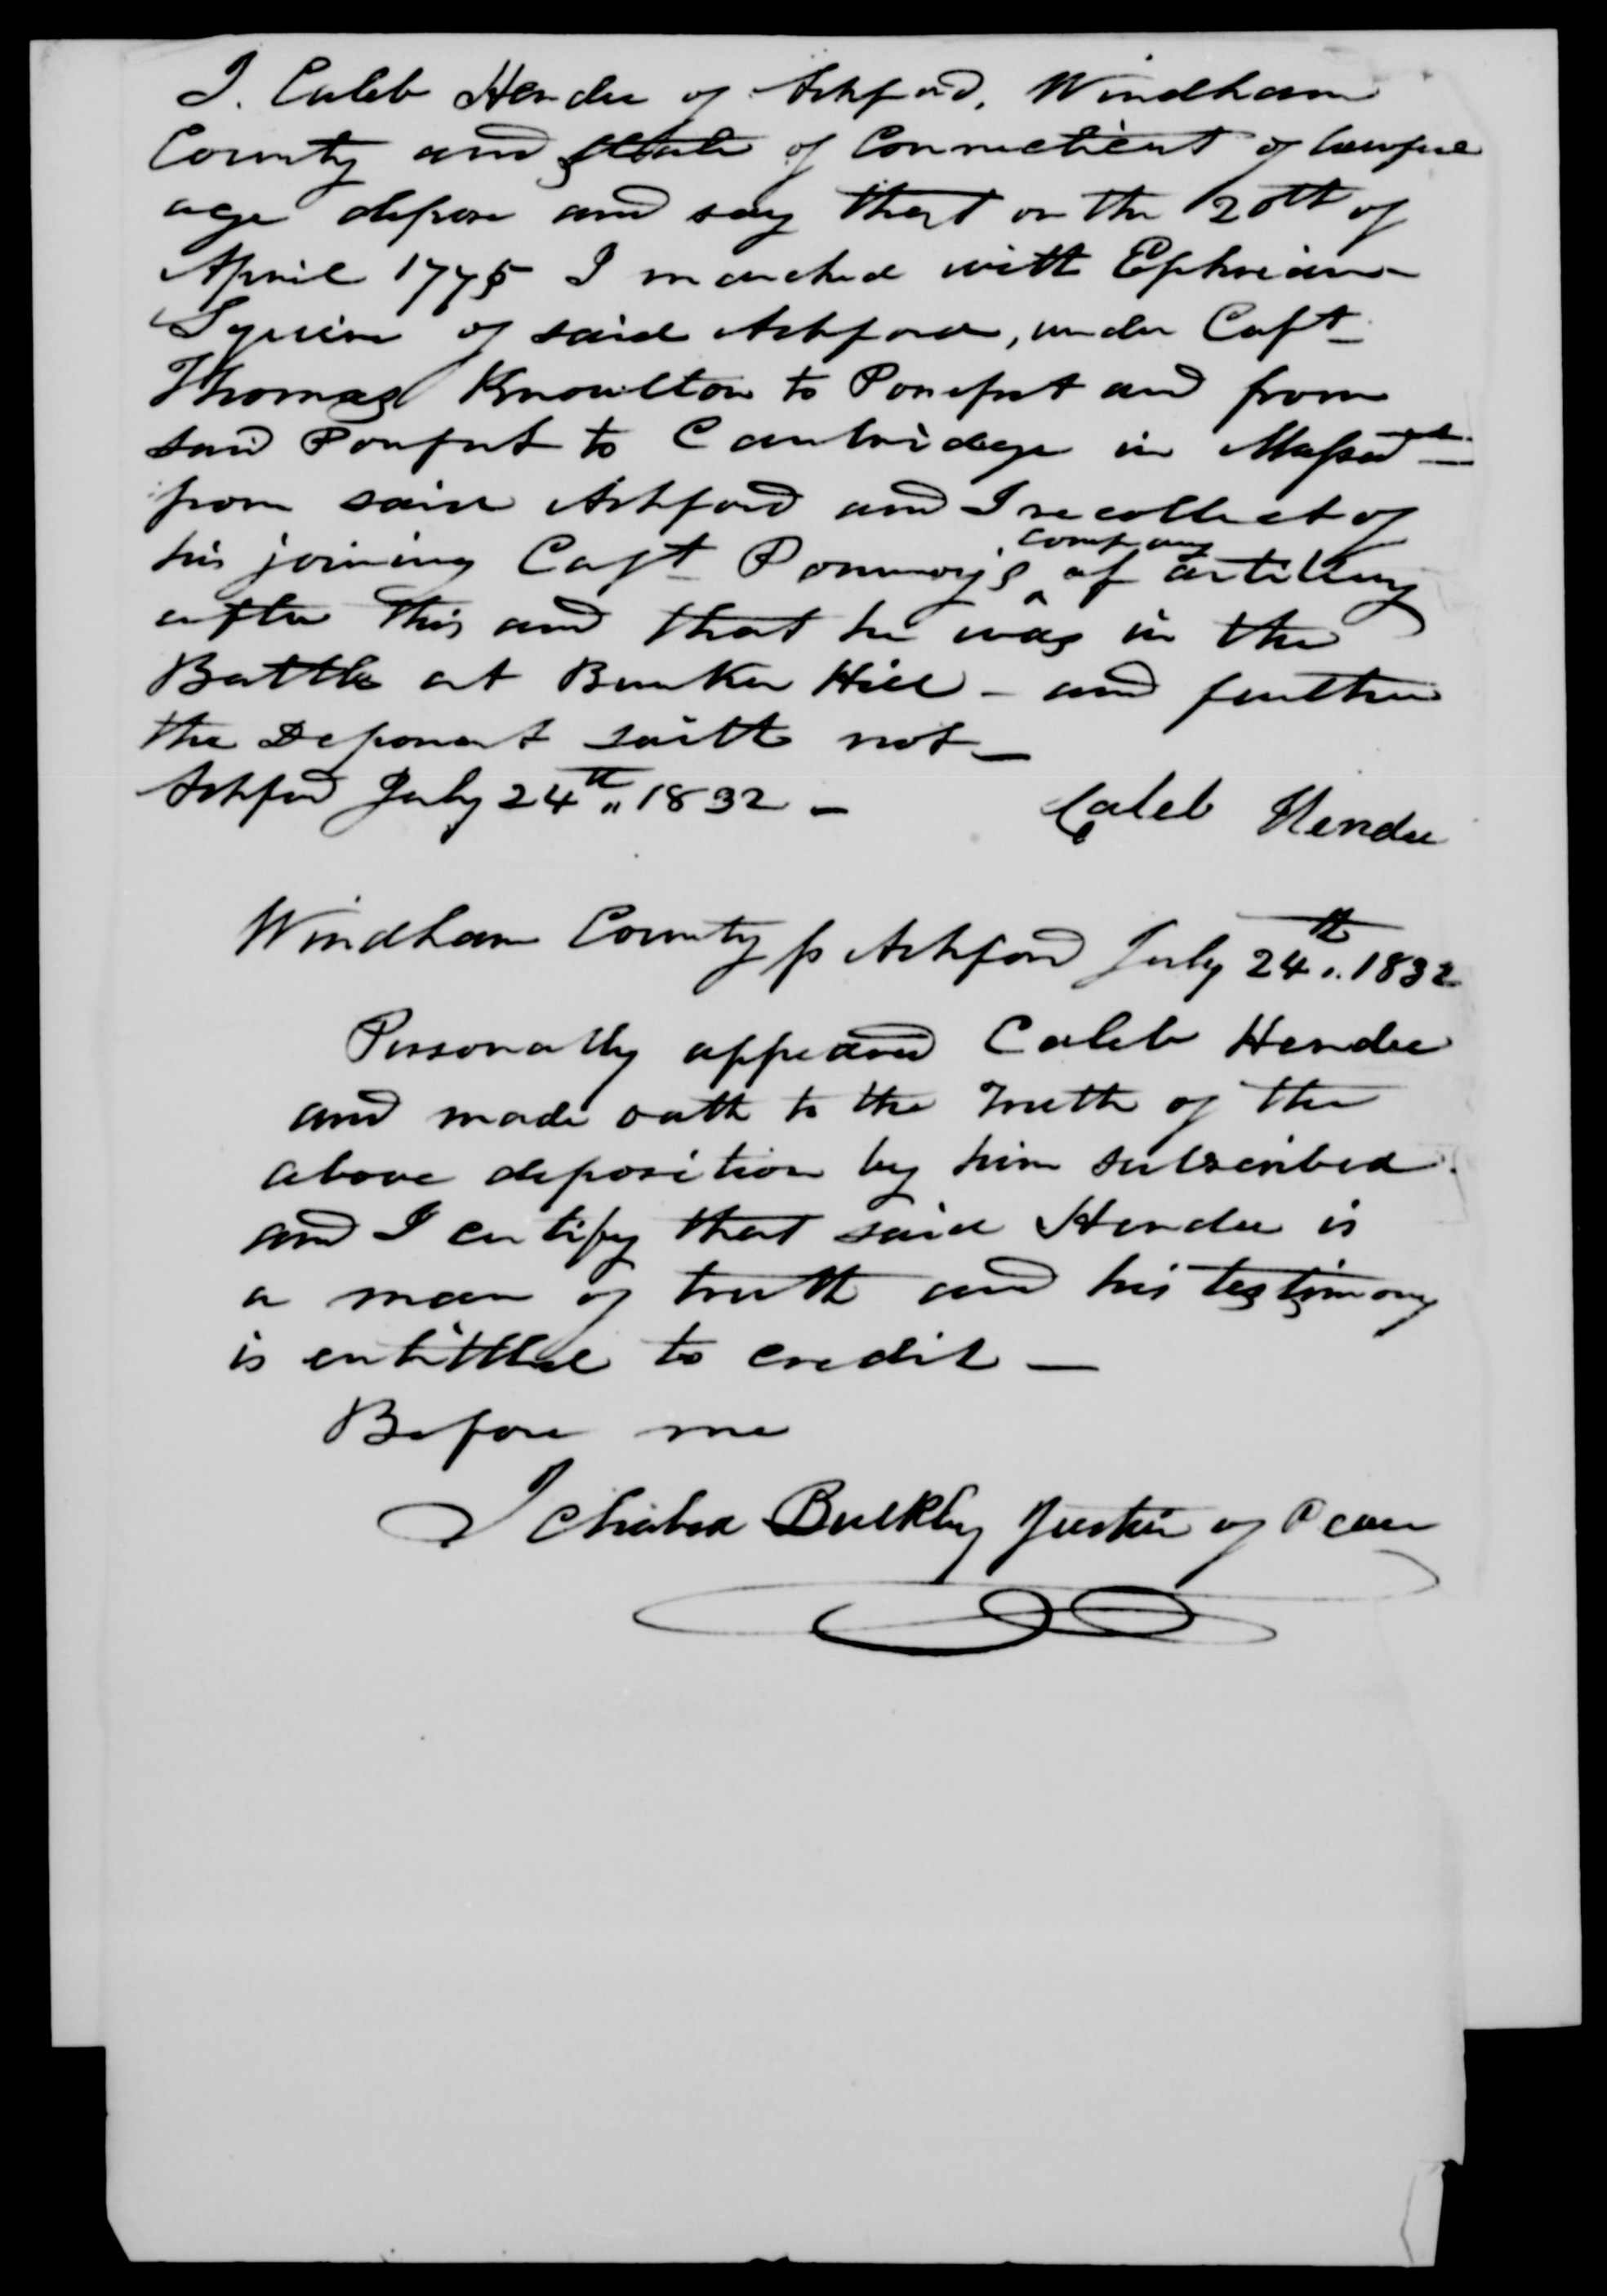I, Caleb Henden of Ashford, Windham County and State of Connecticut of [illegible] age [illegible] and say that on the 20th of April 1775 I marched with Ephraim Squier of said Ashford, under Capt. Thomas Knowlton to Pomphret and from said Pomfret to Cambridge in Mass.  from said Ashford now I recollect of his joining Capt. Pomeroy's company of artillery after this and that he was in the Battle at Bunker HIll= and further the Department [Illegible] not-
Ashford July 24th 1832 
Caleb Hender

Windham County of Ashford July 24, 1832

Personally appears Caleb Hender and made oath to the truth of the above deposition by him subscribed and I can testify that said Hender is a man of truth and his testimony is entitled to credit-

Before me
Ichabod Buckley Justice of Peace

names: Ephriam Squire; Caleb Hender; Thomas Knowlton; [BLANK] Hender; Caleb Hender; Ichabod Bulkley; Caleb Hender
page: 53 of 70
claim: rejected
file: R. 10,026, for Ephraim Squier, Connecticut